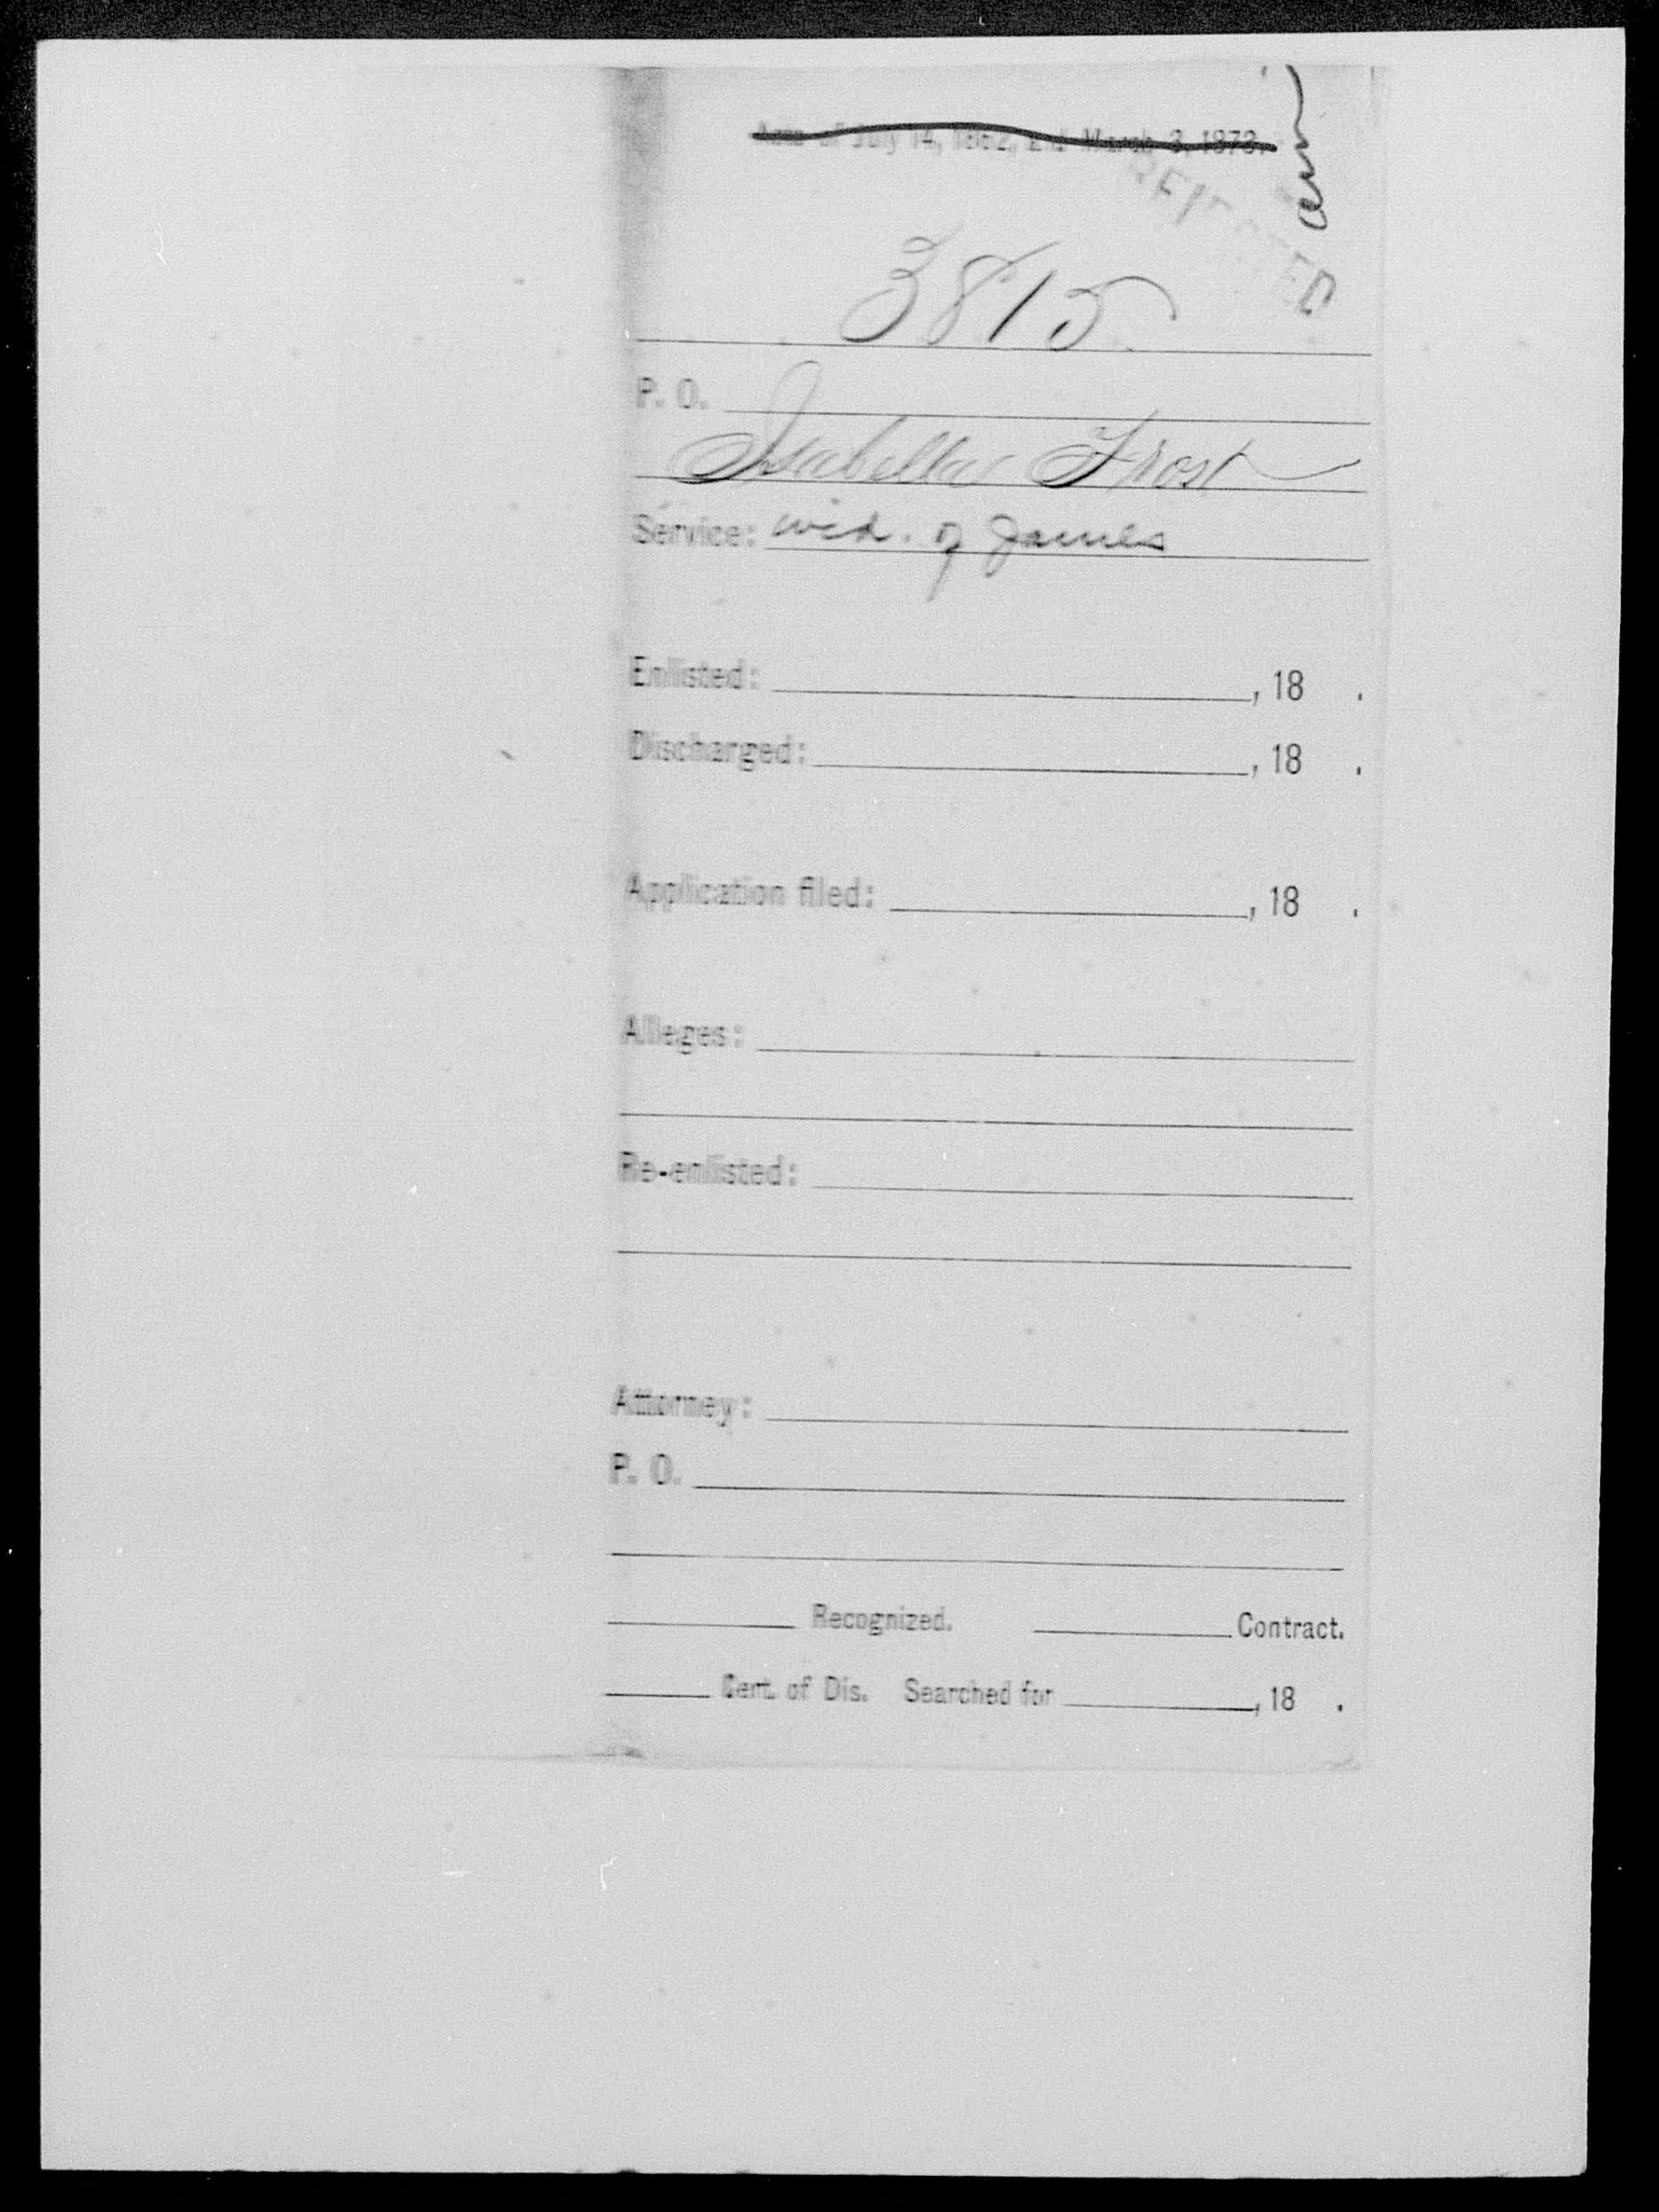3815.
P.O Isabella Frost
Service: wid. F James
Enlisted: , 18 .
Discharged: , 18 .
Application filed: , 18.
Alleges:
Re-enlisted:
Attorney:
P.O.
Recognized. Contract. Cert. of Dis. Searched for, 18.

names: Isabella Frost, James Frost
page: 13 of 15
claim: rejected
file: R. 3815, James Frost, N.C.